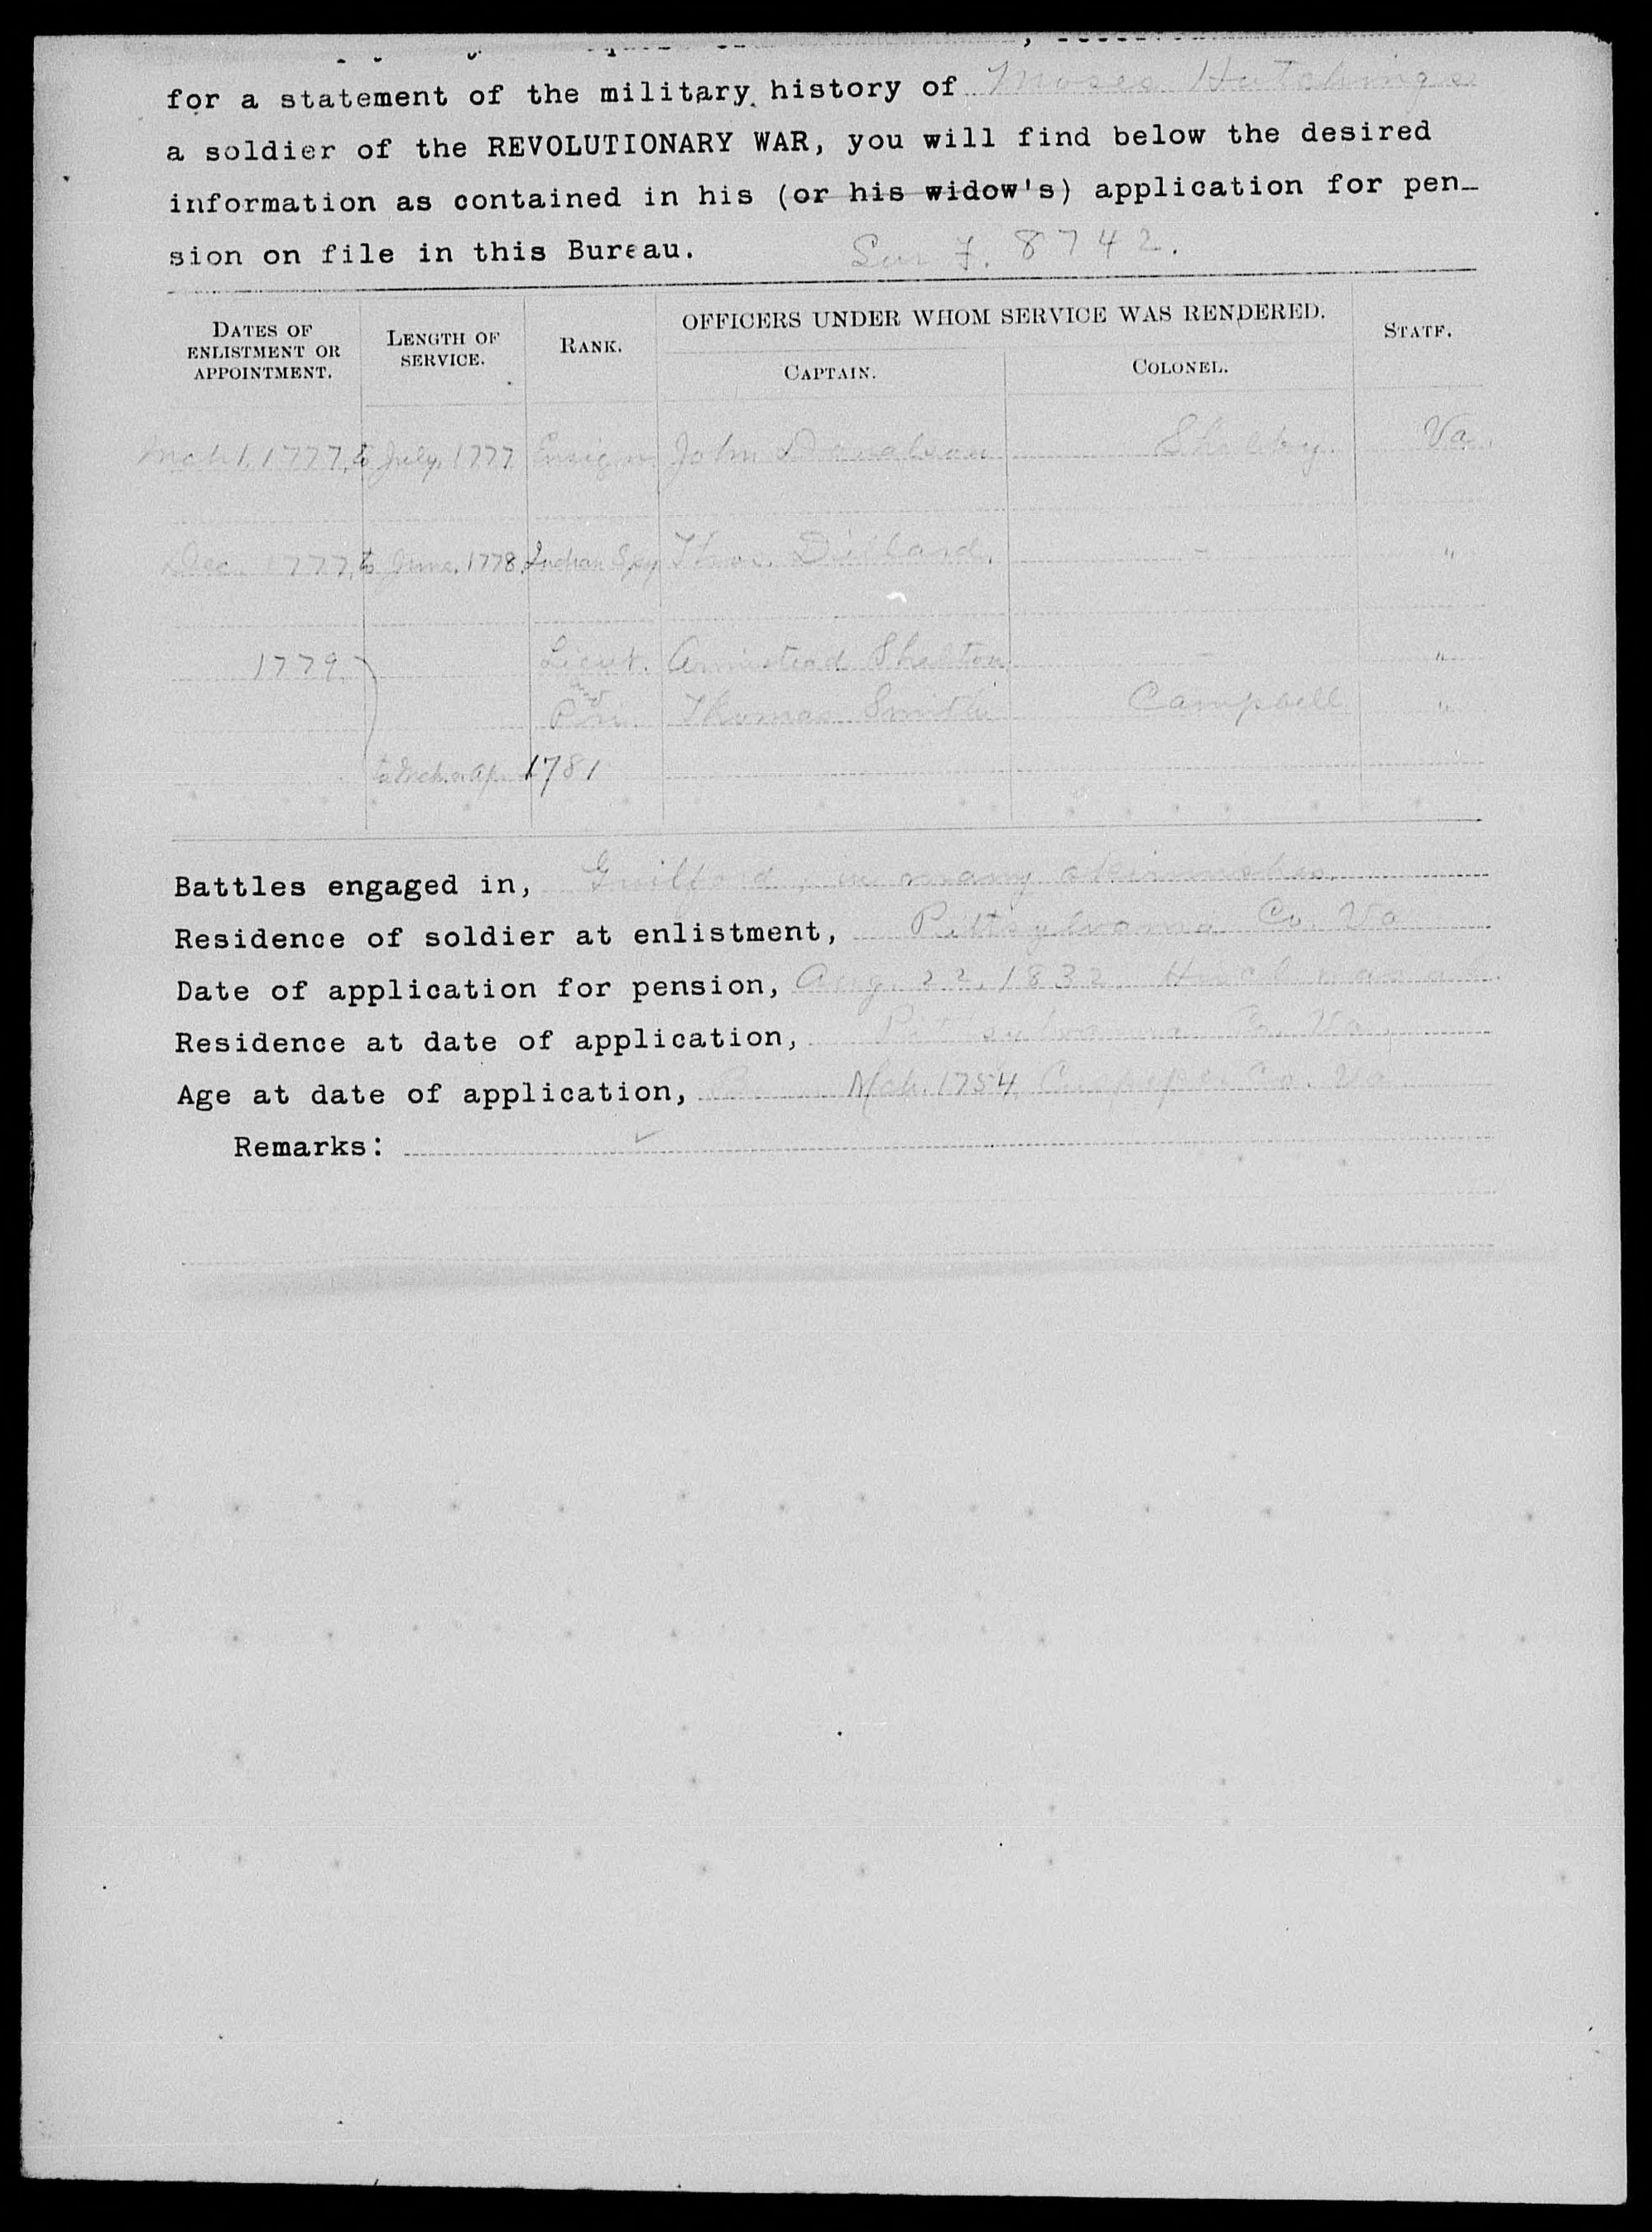[typed form, with handwritten responses]

for a statement of the military history of Moses Hutchings a soldier of the REVOLUTIONARY WAR, you will find below the desired information as contained in his [crossed out - (or his widow's)] application for pension on file in this Bureau. Sur F. 8742. 

[column headings:] DATES OF ENLISTMENT OR APPOINTMENT. LENGTH OF SERVICE. RANK. OFFICERS UNDER WHOM SERVICE WAS RENDERED. CAPTAIN. COLONEL. STATE.
Mch [March] 1, 1777, to July 1777 [Rank] Ensign [Captain] John Donalson [Colonel] Shelby [State] Va.
Dec 1777 to June 1778 [Rank] Indian Spy [Captain] Thos. Dillard
1779 to Mch. [March] or Apr 1781 [Rank] Lieut. and Pri. [Captain] Armistead Shelton Thomas Smith [Colonel] Campbell

Battles engaged in, Guilford & in many skirmishes

Residence of soldier at enlistment, Pittsylvania Co. Va. 

Date of application for pension, Aug 22, 1832. His cl. was al. [claim was allowed]

Residence at date of application, Pittsylvania Co. Va.

Age at date of application, Born Mch. [March] 1754 Culpeper Co. Va.

Remarks:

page: 12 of 18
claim: survivor's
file: S. 8742, for Moses Hutchings, Virginia